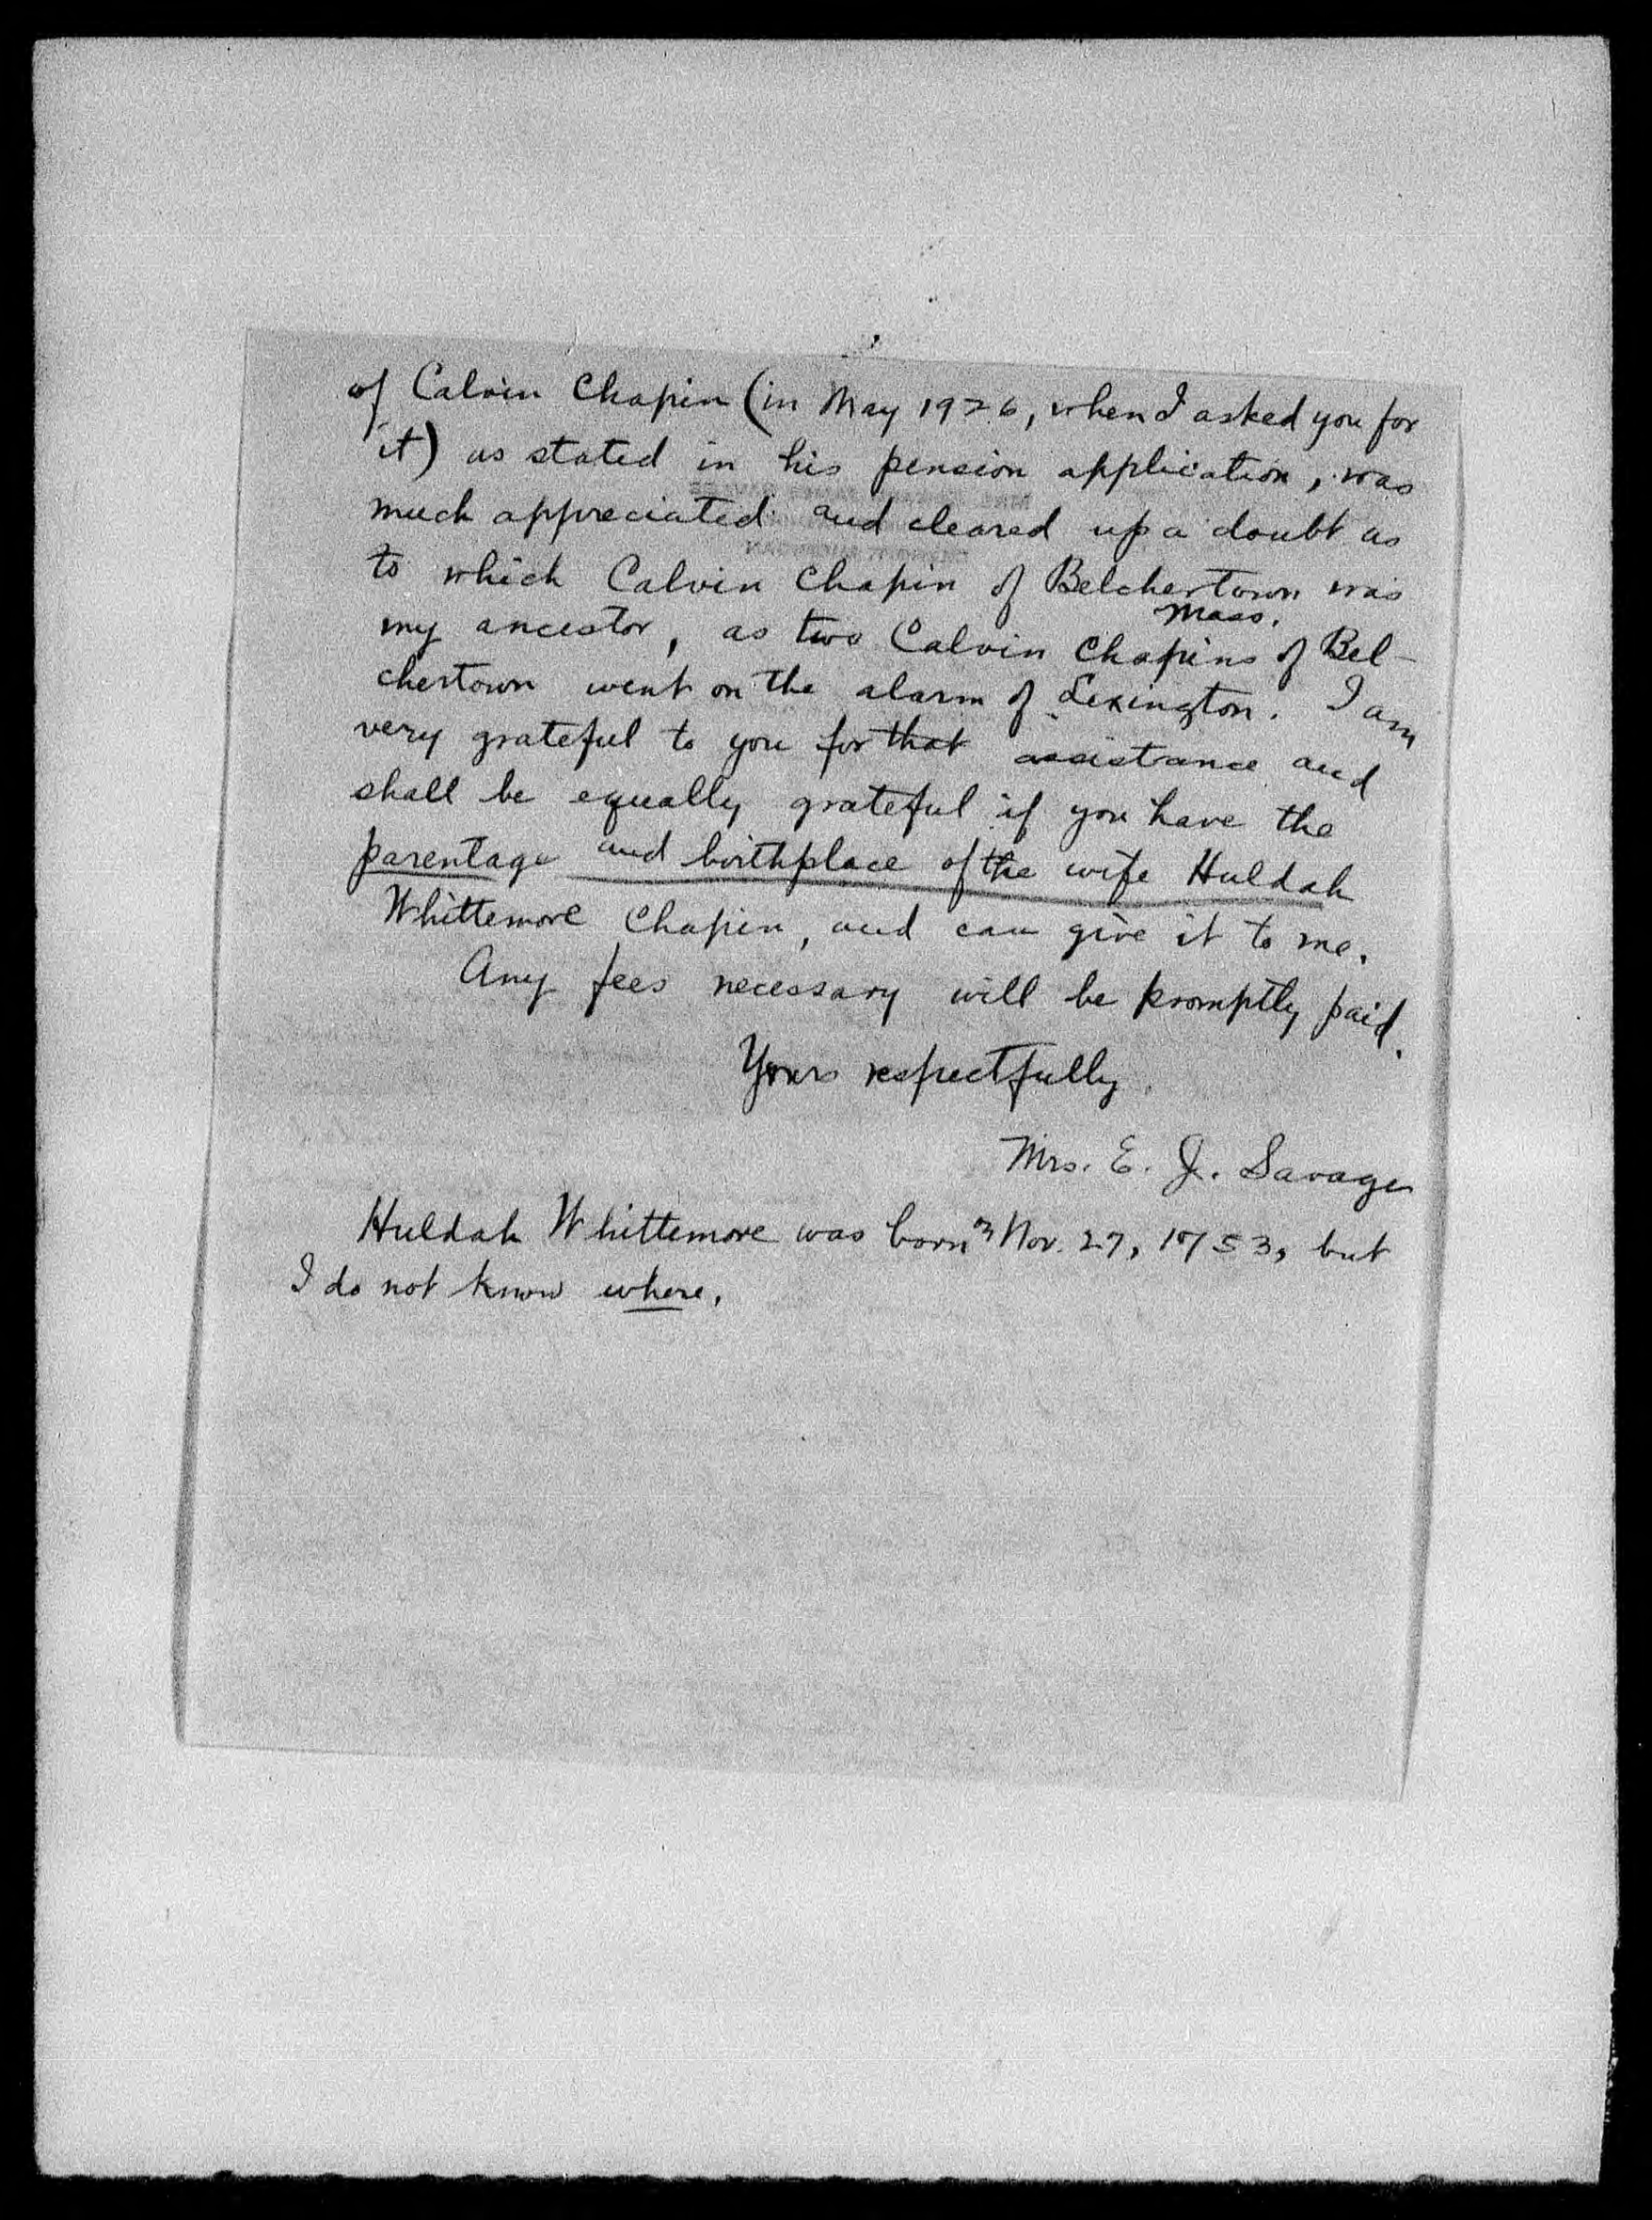[handwritten letter]
of Calvin Chapin (in May 1926, when I asked you for it) as stated in his pension application, was much appreciated and cleared up a doubt as to which Calvin Chapin of Belchertown Mass. was my ancestor, as two Calvin Chapins of Belchertown went on the alarm of Lexington. I am very grateful to you for that assistance and shall be equally grateful if you have the parentage and birthplace of the wife Huldah Whittemore Chapin, and can give it to me. 
Any fees necessary will be promptly paid.
Yours respectfully, 
/s/Mrs. E. J. Savage
Huldah Whittemore was born on Nov. 27, 1753, but I do not know where.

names: Calvin Chapin, Calvin Chapin, Calvin Chapin, Huldah Whittemore, Huldah Whittemore Chapin, E J Savage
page: 28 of 35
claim: widow's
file: W. 20,864, Calvin Chapin, Mass. Vt.